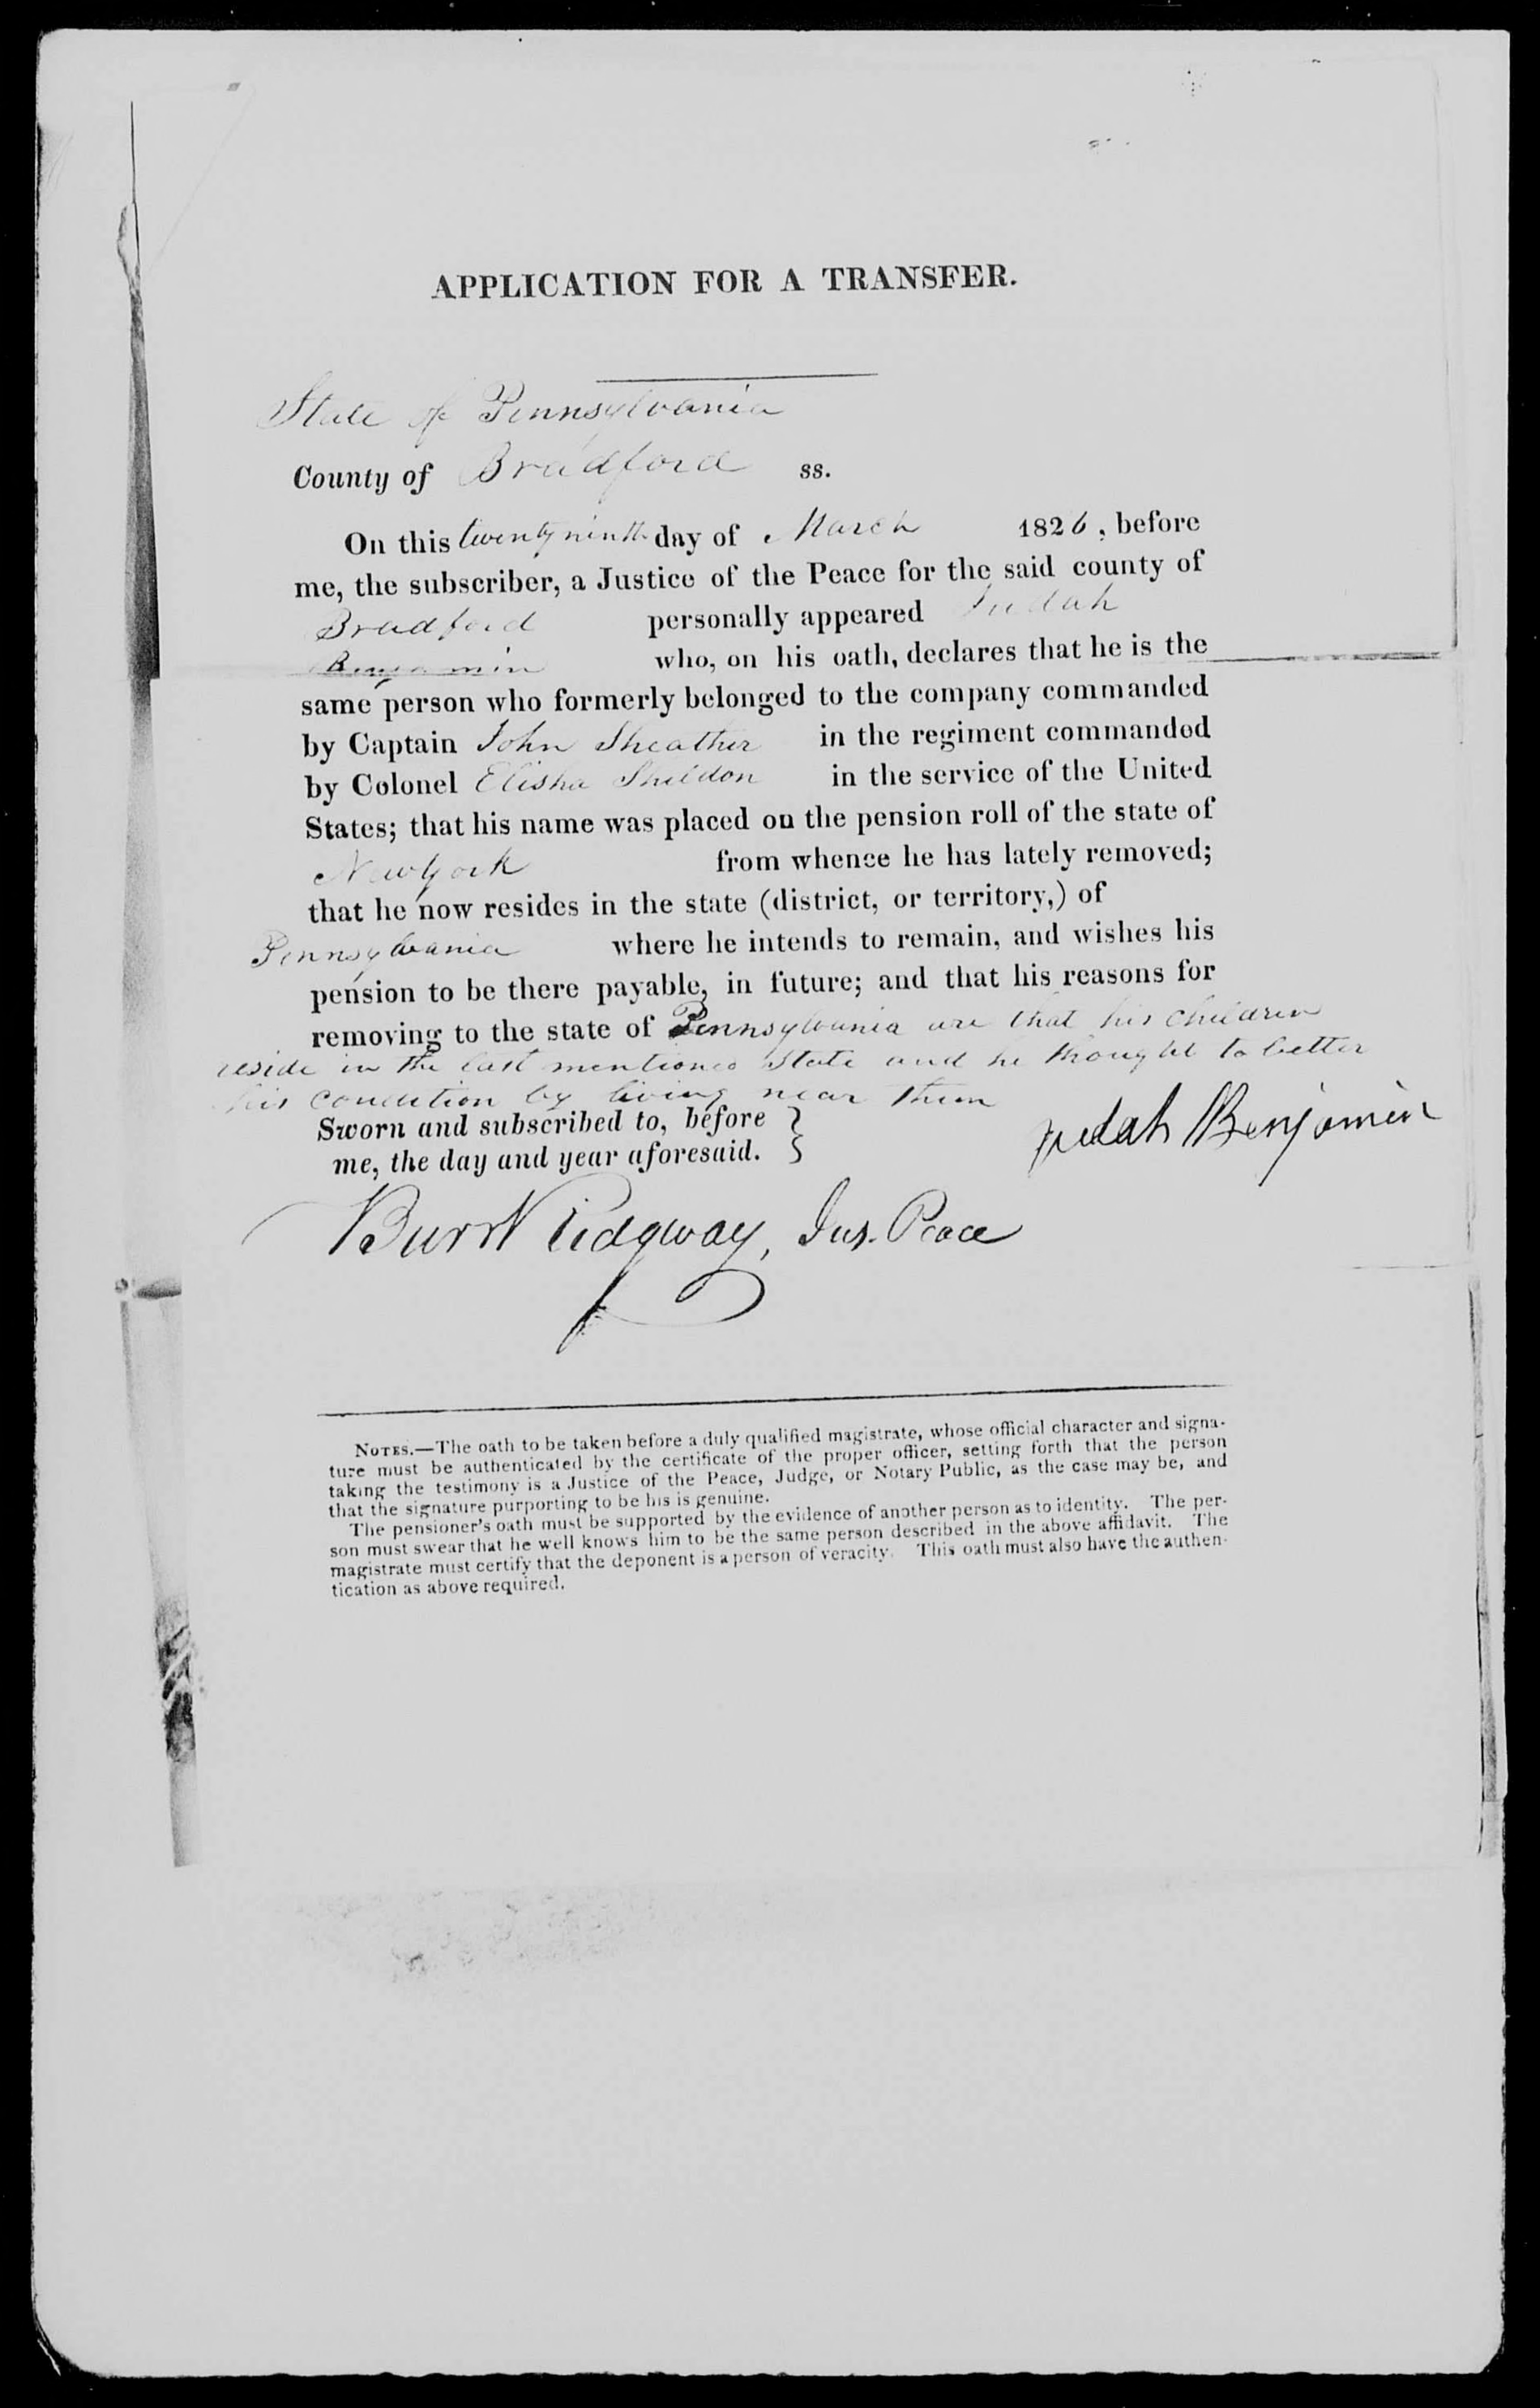APPLICATION FOR A TRANSFER.
State of Pennsylvania
County of Bradford ss
On this twenty ninth day of March 1826, before me, the subscriber, a Justice of the Peace for the said county of Bradford personally appeared Judah Benjamin who, on his oath, declares that he is the same person who formerly belonged to the company commanded
by Captain John Sheather in the regiment commanded by Colonel Elisha Sheldon in the service of the United States; that his name was placed on the pension roll of the state of
New York from whence he has lately removed; that he now resides in the state (district, or territory,) of Pennsylvania where he intends to remain, and wishes his pension to be there payable, in future; and that his reasons for removing to the state of Pennsylvania are that his children reside in the last mentioned State and he thought to better his condition by living near them [signed] Judah Benjamin

Sworn and subscribed to, before me, the day and year aforesaid.}
[signed] Burr Ridgway, Jus. Peace

\
NOTES. -- The oath to be taken before a duly qualified magistrate, whose official character and signature must be authenticated by the certificate of the proper officer, setting forth that the person taking the testimony is a Justice of the Peace, Judge, or Notary Public, as the case may be, and that the signature purporting to be his is genuine.
The pensioner's oath must be supported by the evidence of another person as to identity. The person must swear that he well knows him to be the same person described in the above affidavit. The magistrate must certify that the deponent is a person of veracity. This oath must also have the authentication as above required.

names: Elisha Sheldon, Judah Benjamin, John Sheather, Burr Ridgway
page: 13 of 34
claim: survivor's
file: S. 39981, Judah Benjamin, Continental (N. H. And N. Y.)